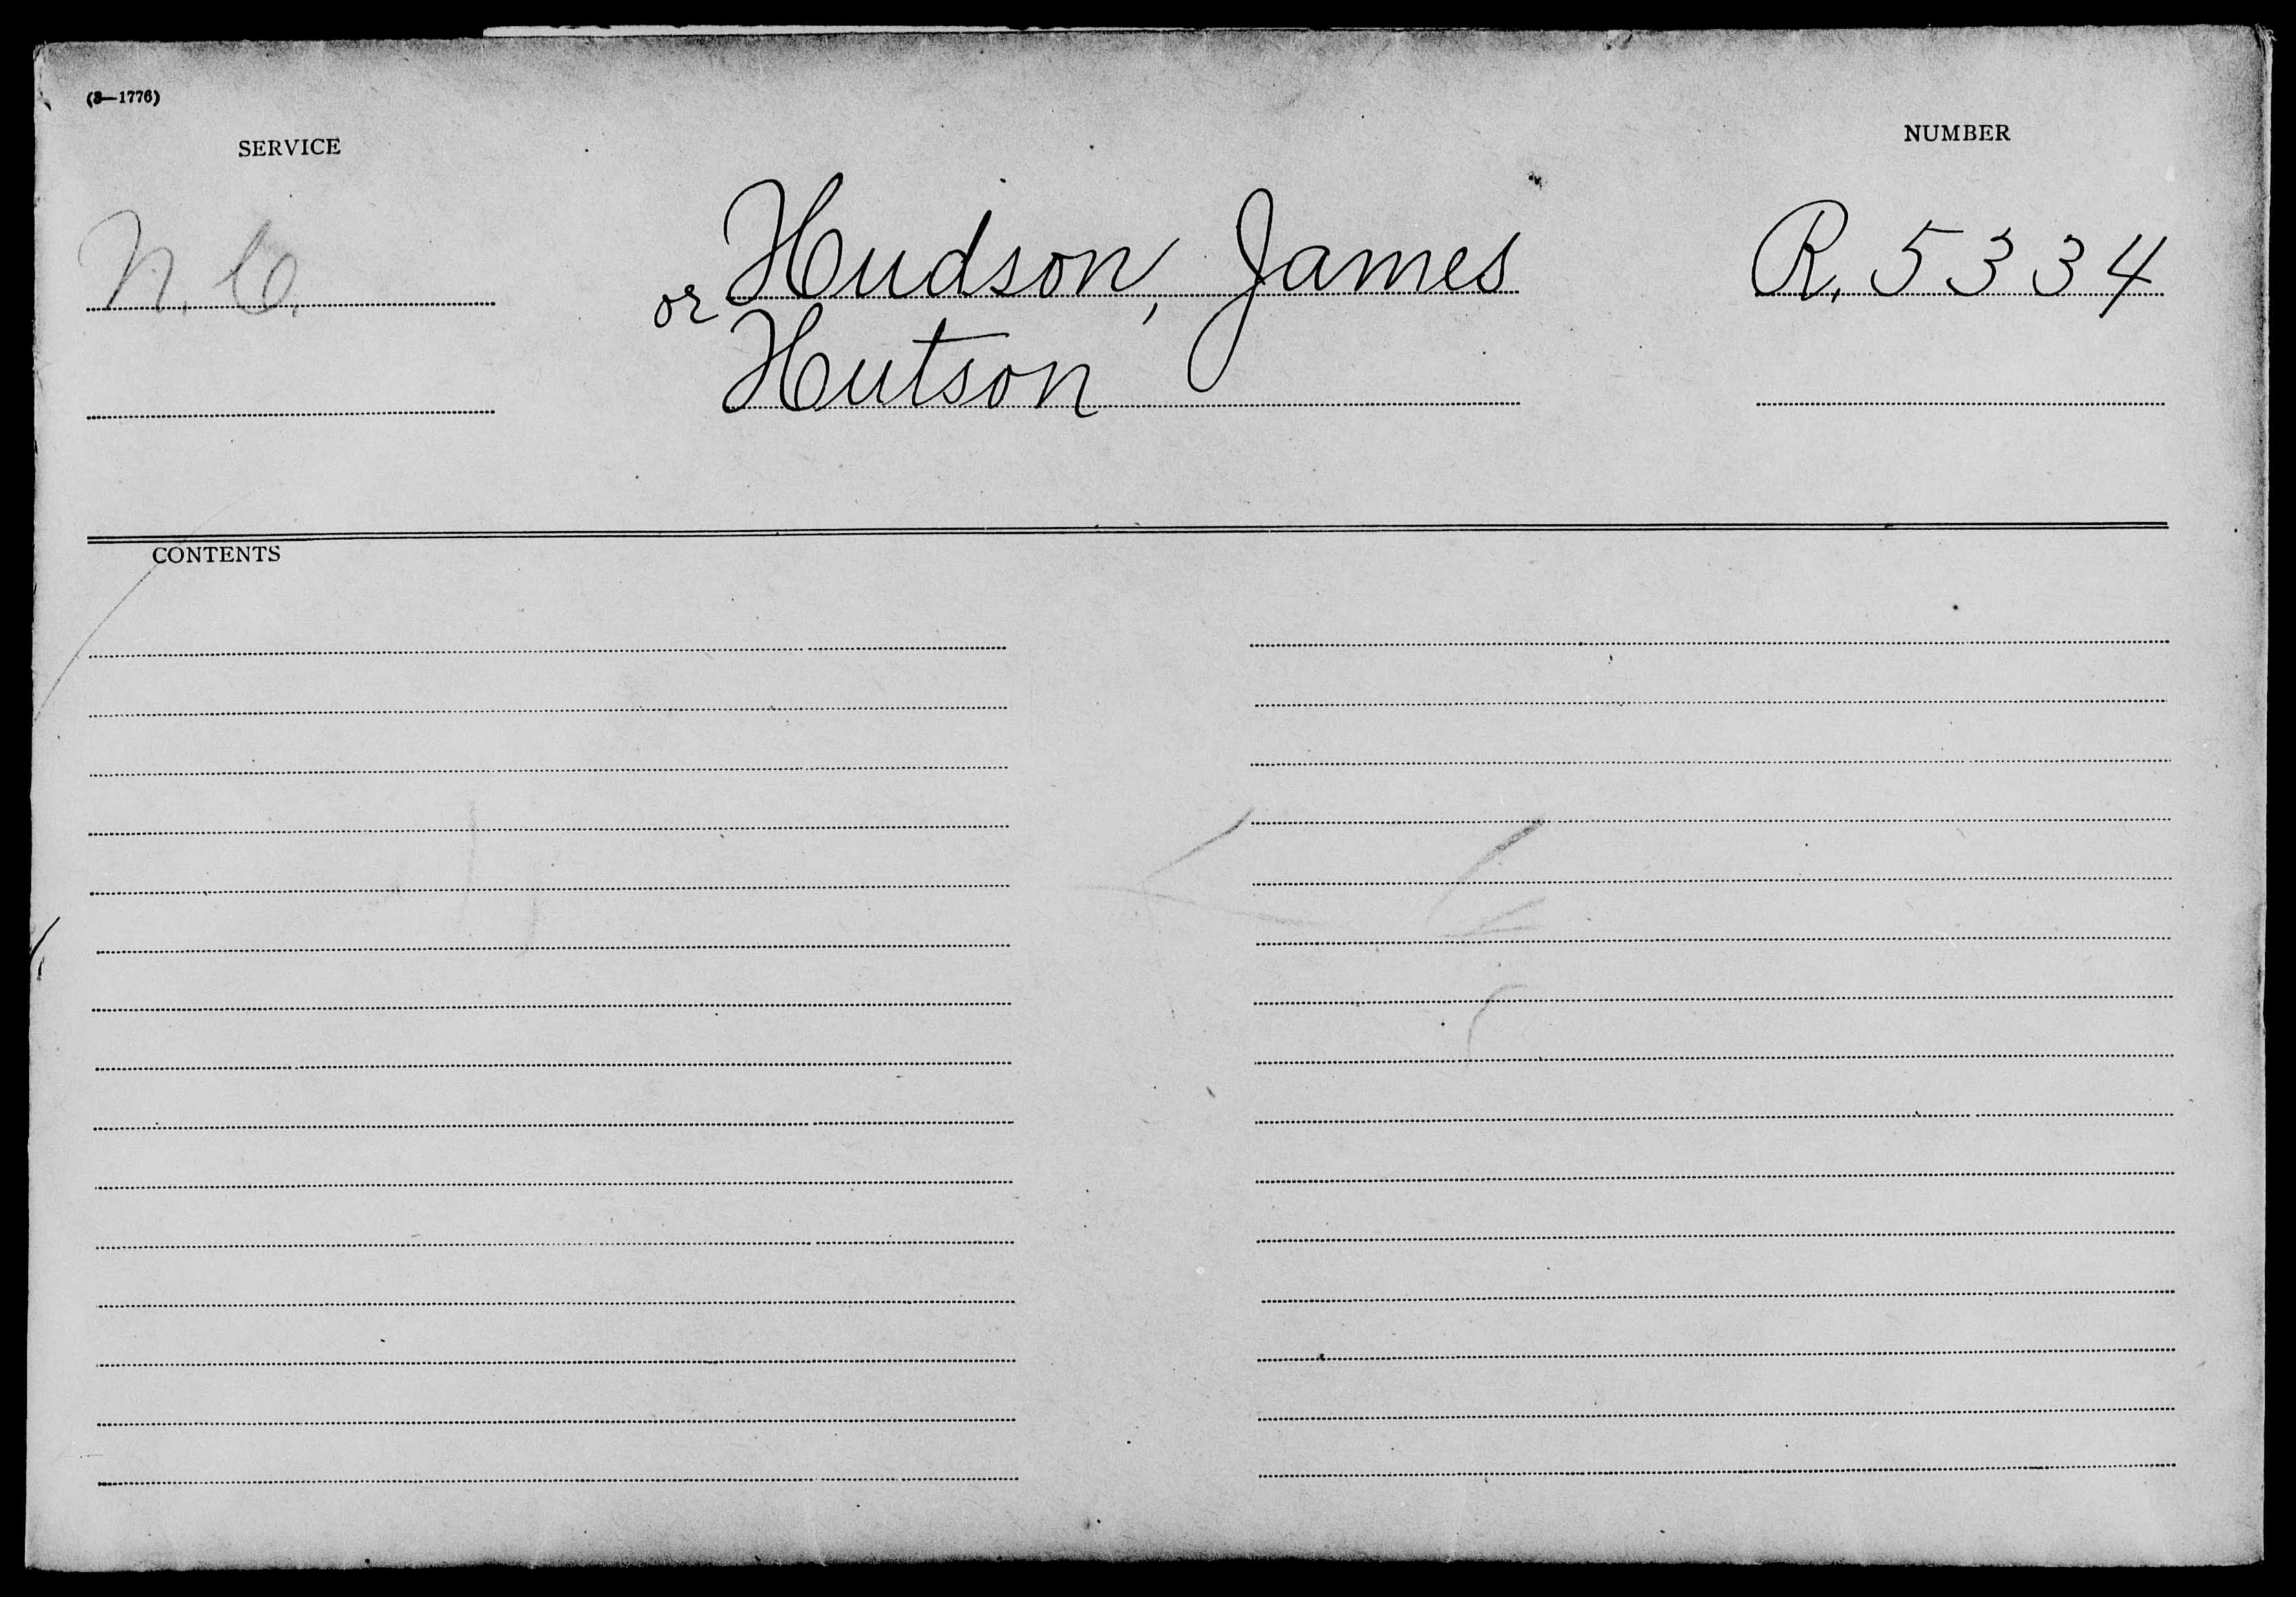(3-1776)
SERVICE
N.C.
Hudson, James
or Hutson
NUMBER
R5334
CONTENTS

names: James Hutson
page: 1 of 33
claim: rejected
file: R. 5334, James Hudson, N.C.